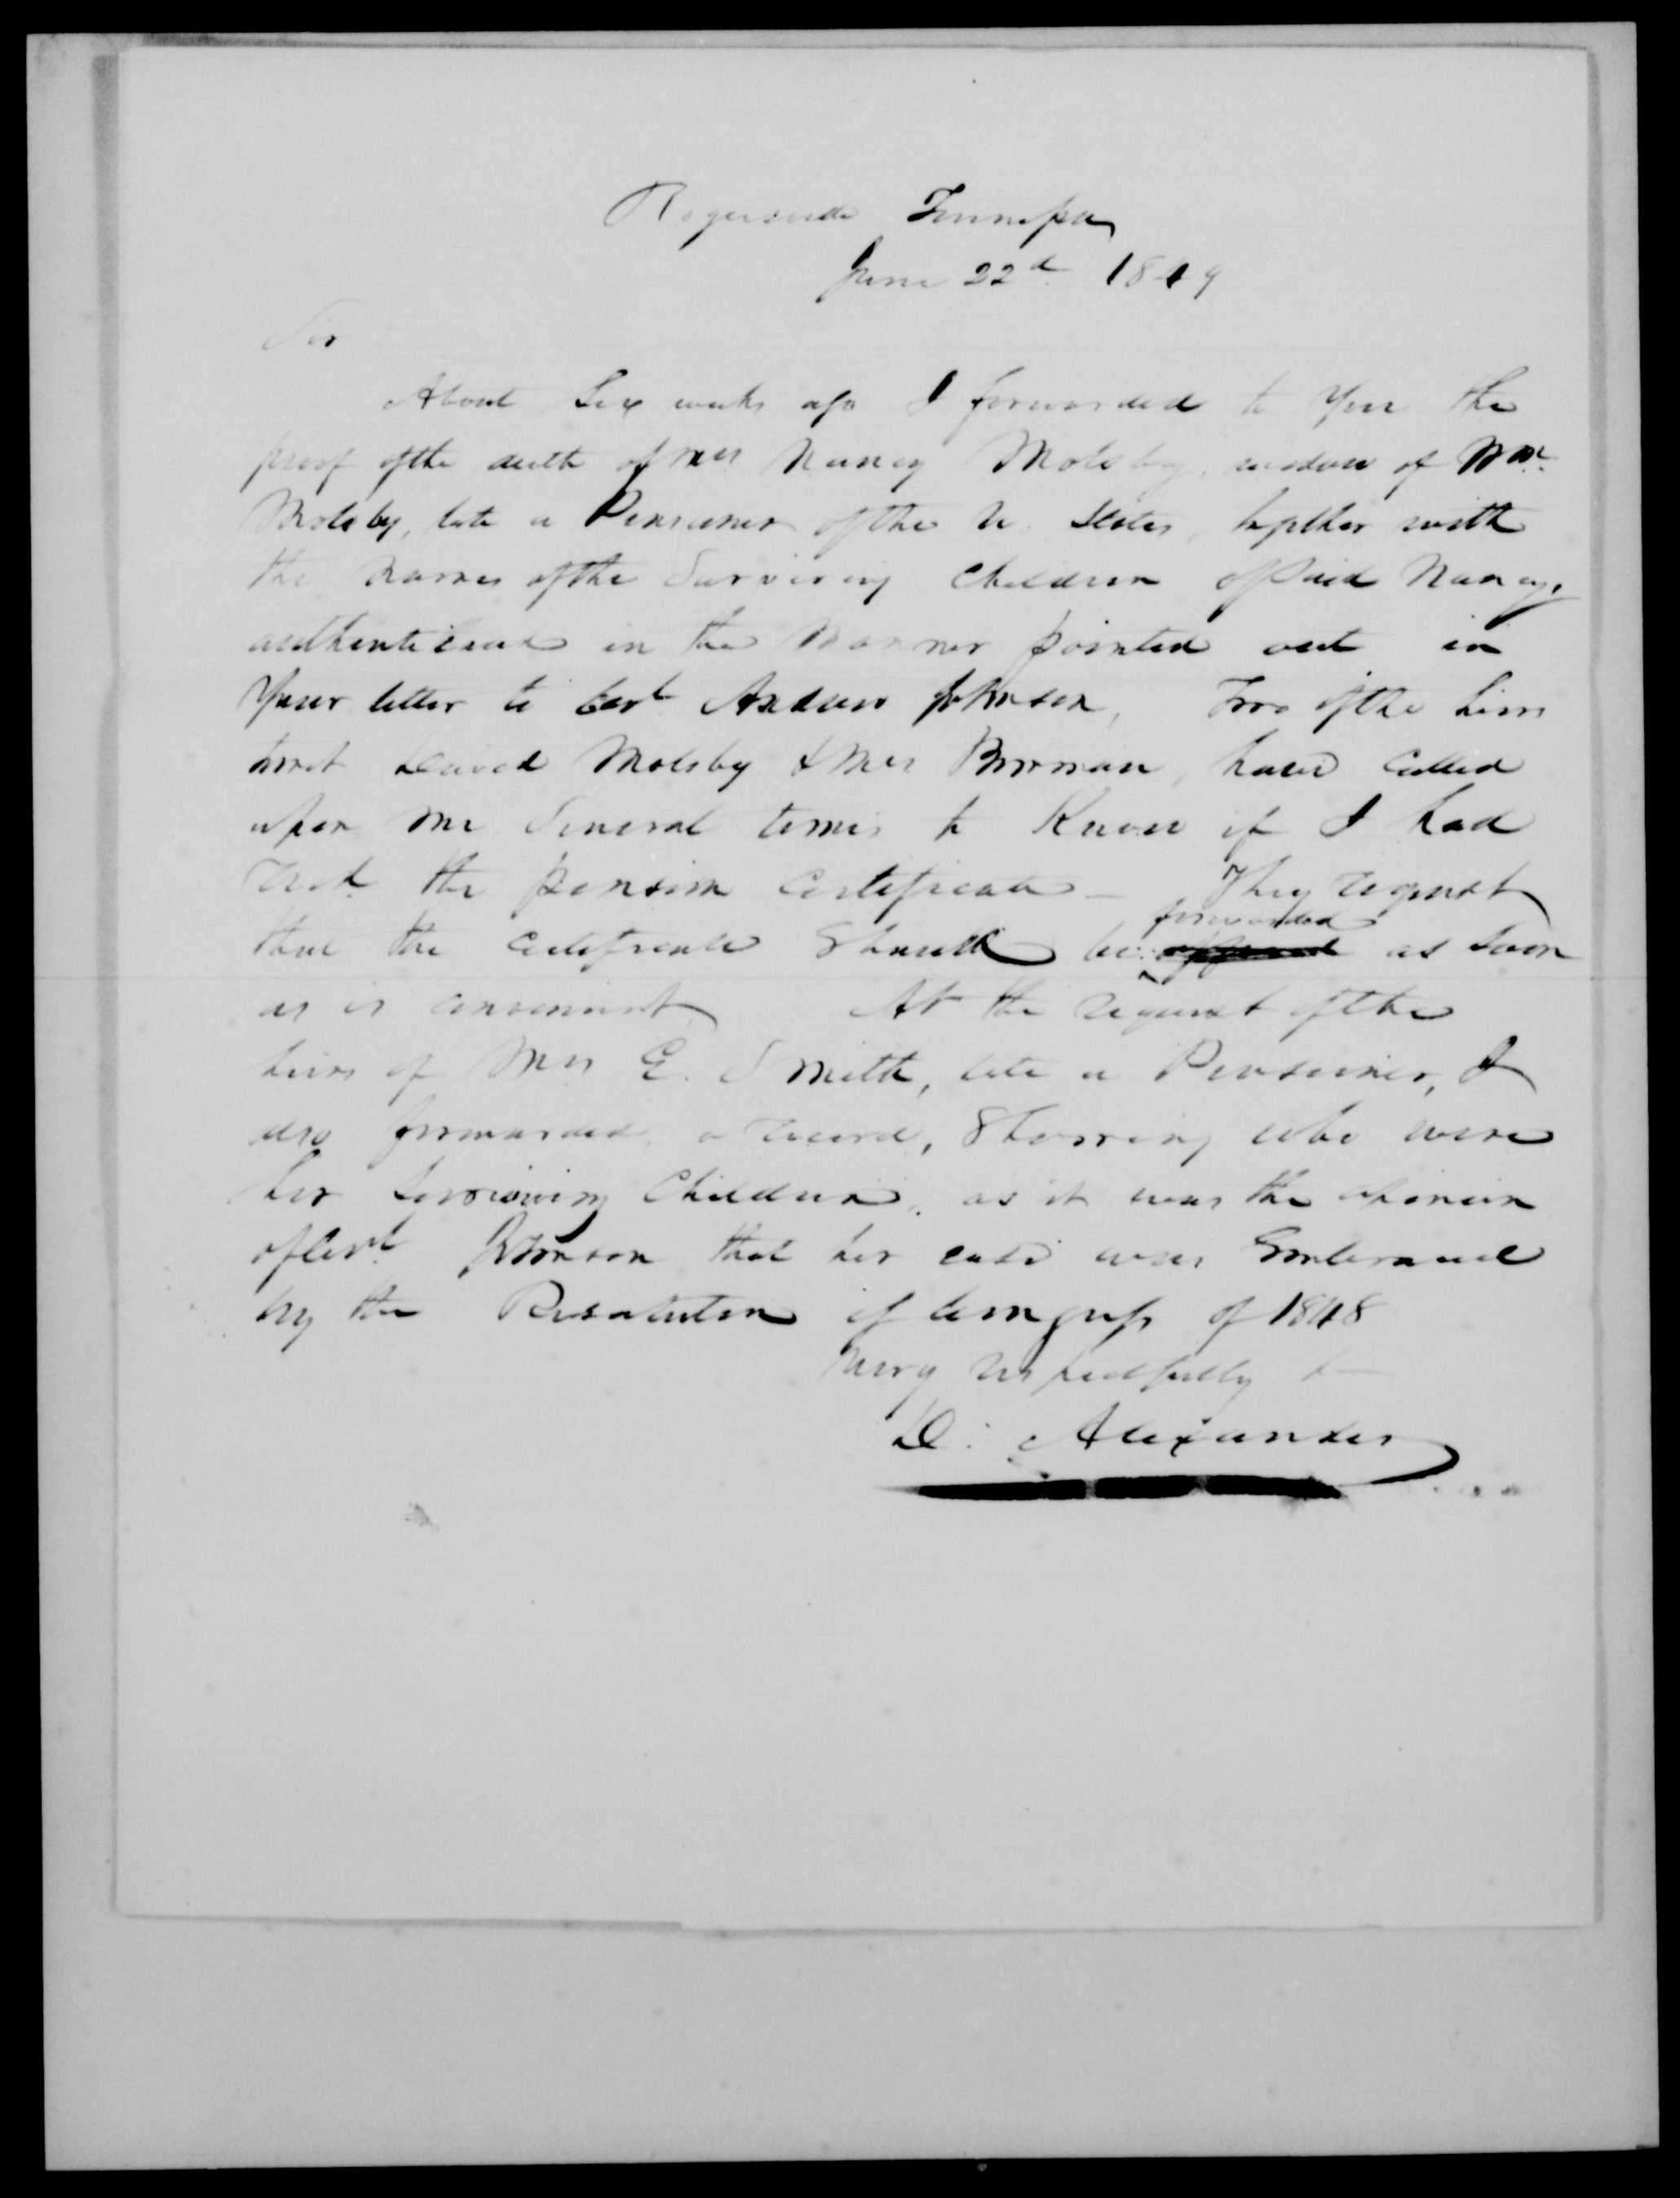Rogersville Tennessee
June 22d 1849
Sir
About Six weeks ago I forwarded to you the proof of the death of Mrs Nancy Molsby, widow of Wm Molsby, late a Pensioner of the U. States, together with the names of the Surviving children of said Nancy, authenticated in the manner pointed out in your letter to Earl Andrew Johnson, two with him Mr David Molsby & Mrs Bowman, have called upon me several times to know if I had [illegible] the pension certificate - They request that the certificate should be forwarded as soon as is convenient. At the request of the heirs of Mrs E. Smith, late a Pensioner, I also forwarded, a friend, showing who were her Surviving Children, as it was the examiner [illegible]  Johnson that her case was embraced by the Resolution of Congress of 1848
Very Respectfully
D. Alexander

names: Andrew Johnson; D Alexander; [BLANK] Bowman; Nancy [BLANK]; Wm Molsby; E Smith; [BLANK] Johnson; David Molsby; Nancy Molsby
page: 66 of 79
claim: widow's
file: W. 1504, for Robert Smith, North Carolina